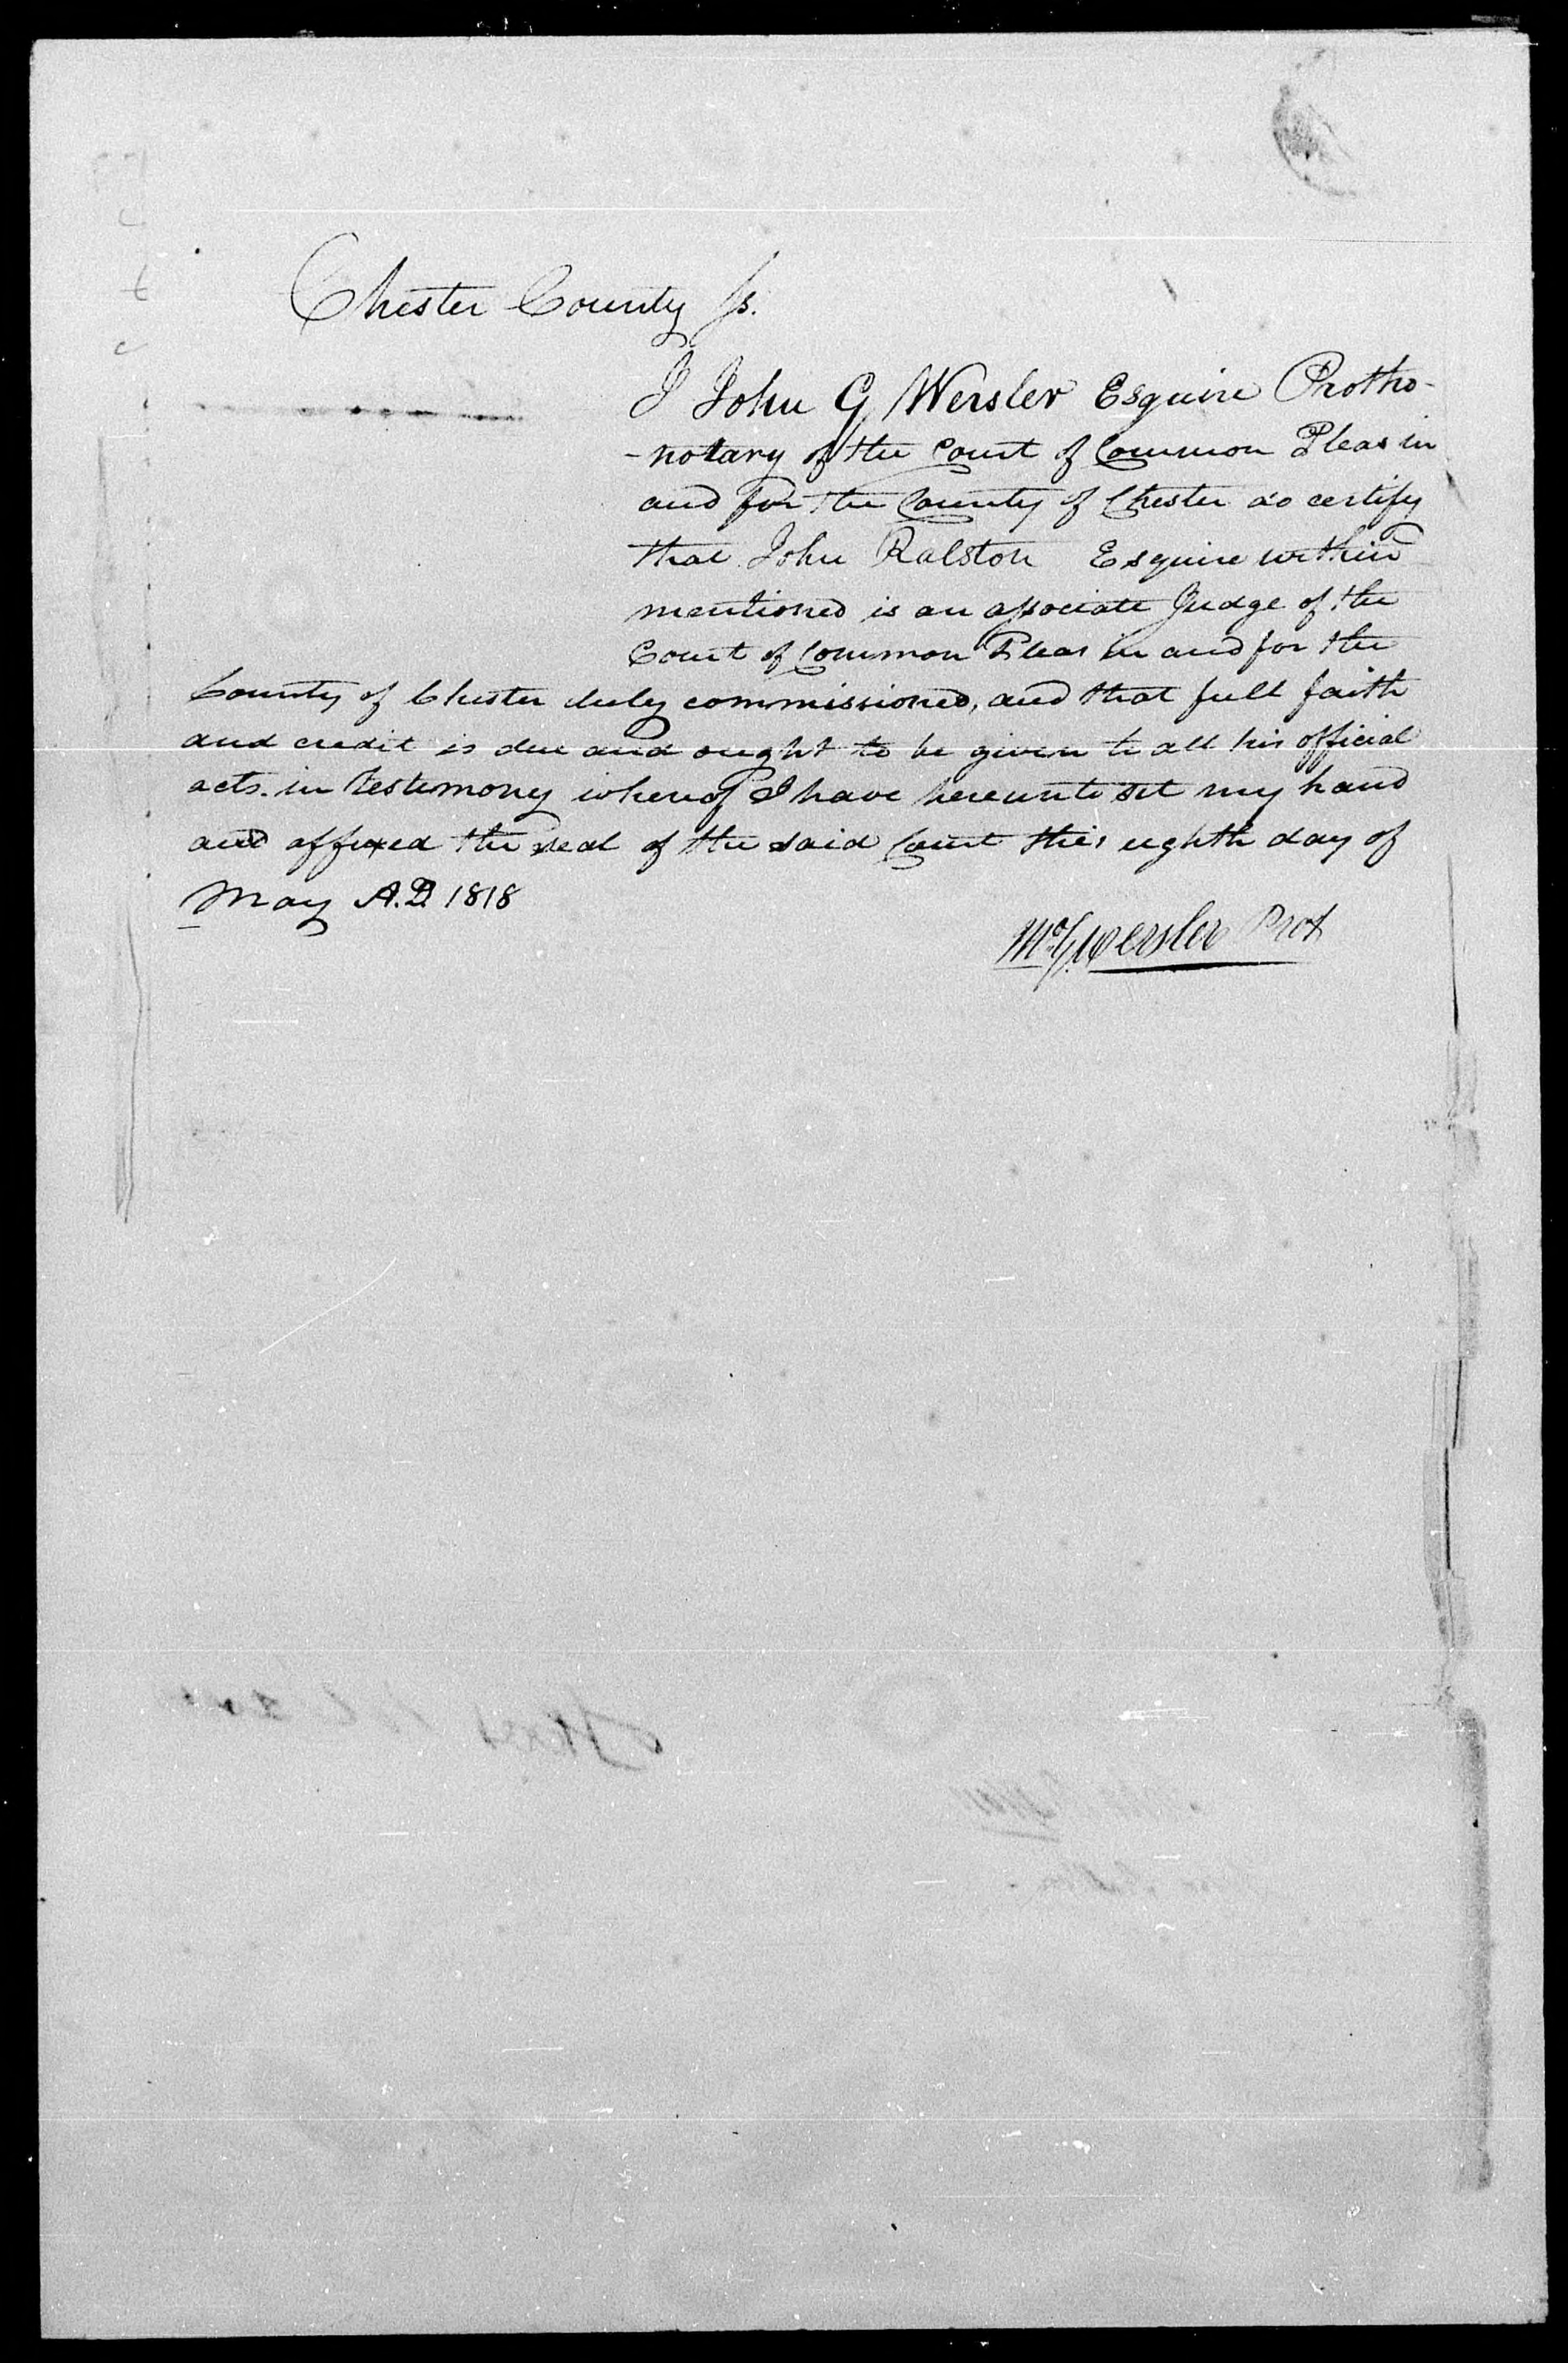Chester County  Ss.

[seal affixed]

I John G. Wersler Esquire Porthonotary of the Court of Common Pleas in and for the County of Chester as certify that John Ralston Esquire within mentioned is an associate Judge of the Court of Common Pleas in and for the County of Chester duly commissioned and that full faith and credit is due and ought to be given to all his official acts. in Testimony whereof I have hereunto set my hand and affixed the seal of the Said Court this eighth day of May A.D. 1818
                    Jno G. Wersler Prot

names: John Ralston; John G Wersler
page: 13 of 63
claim: widow's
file: W 2957, for Thomas Mc Dowell, Maryland